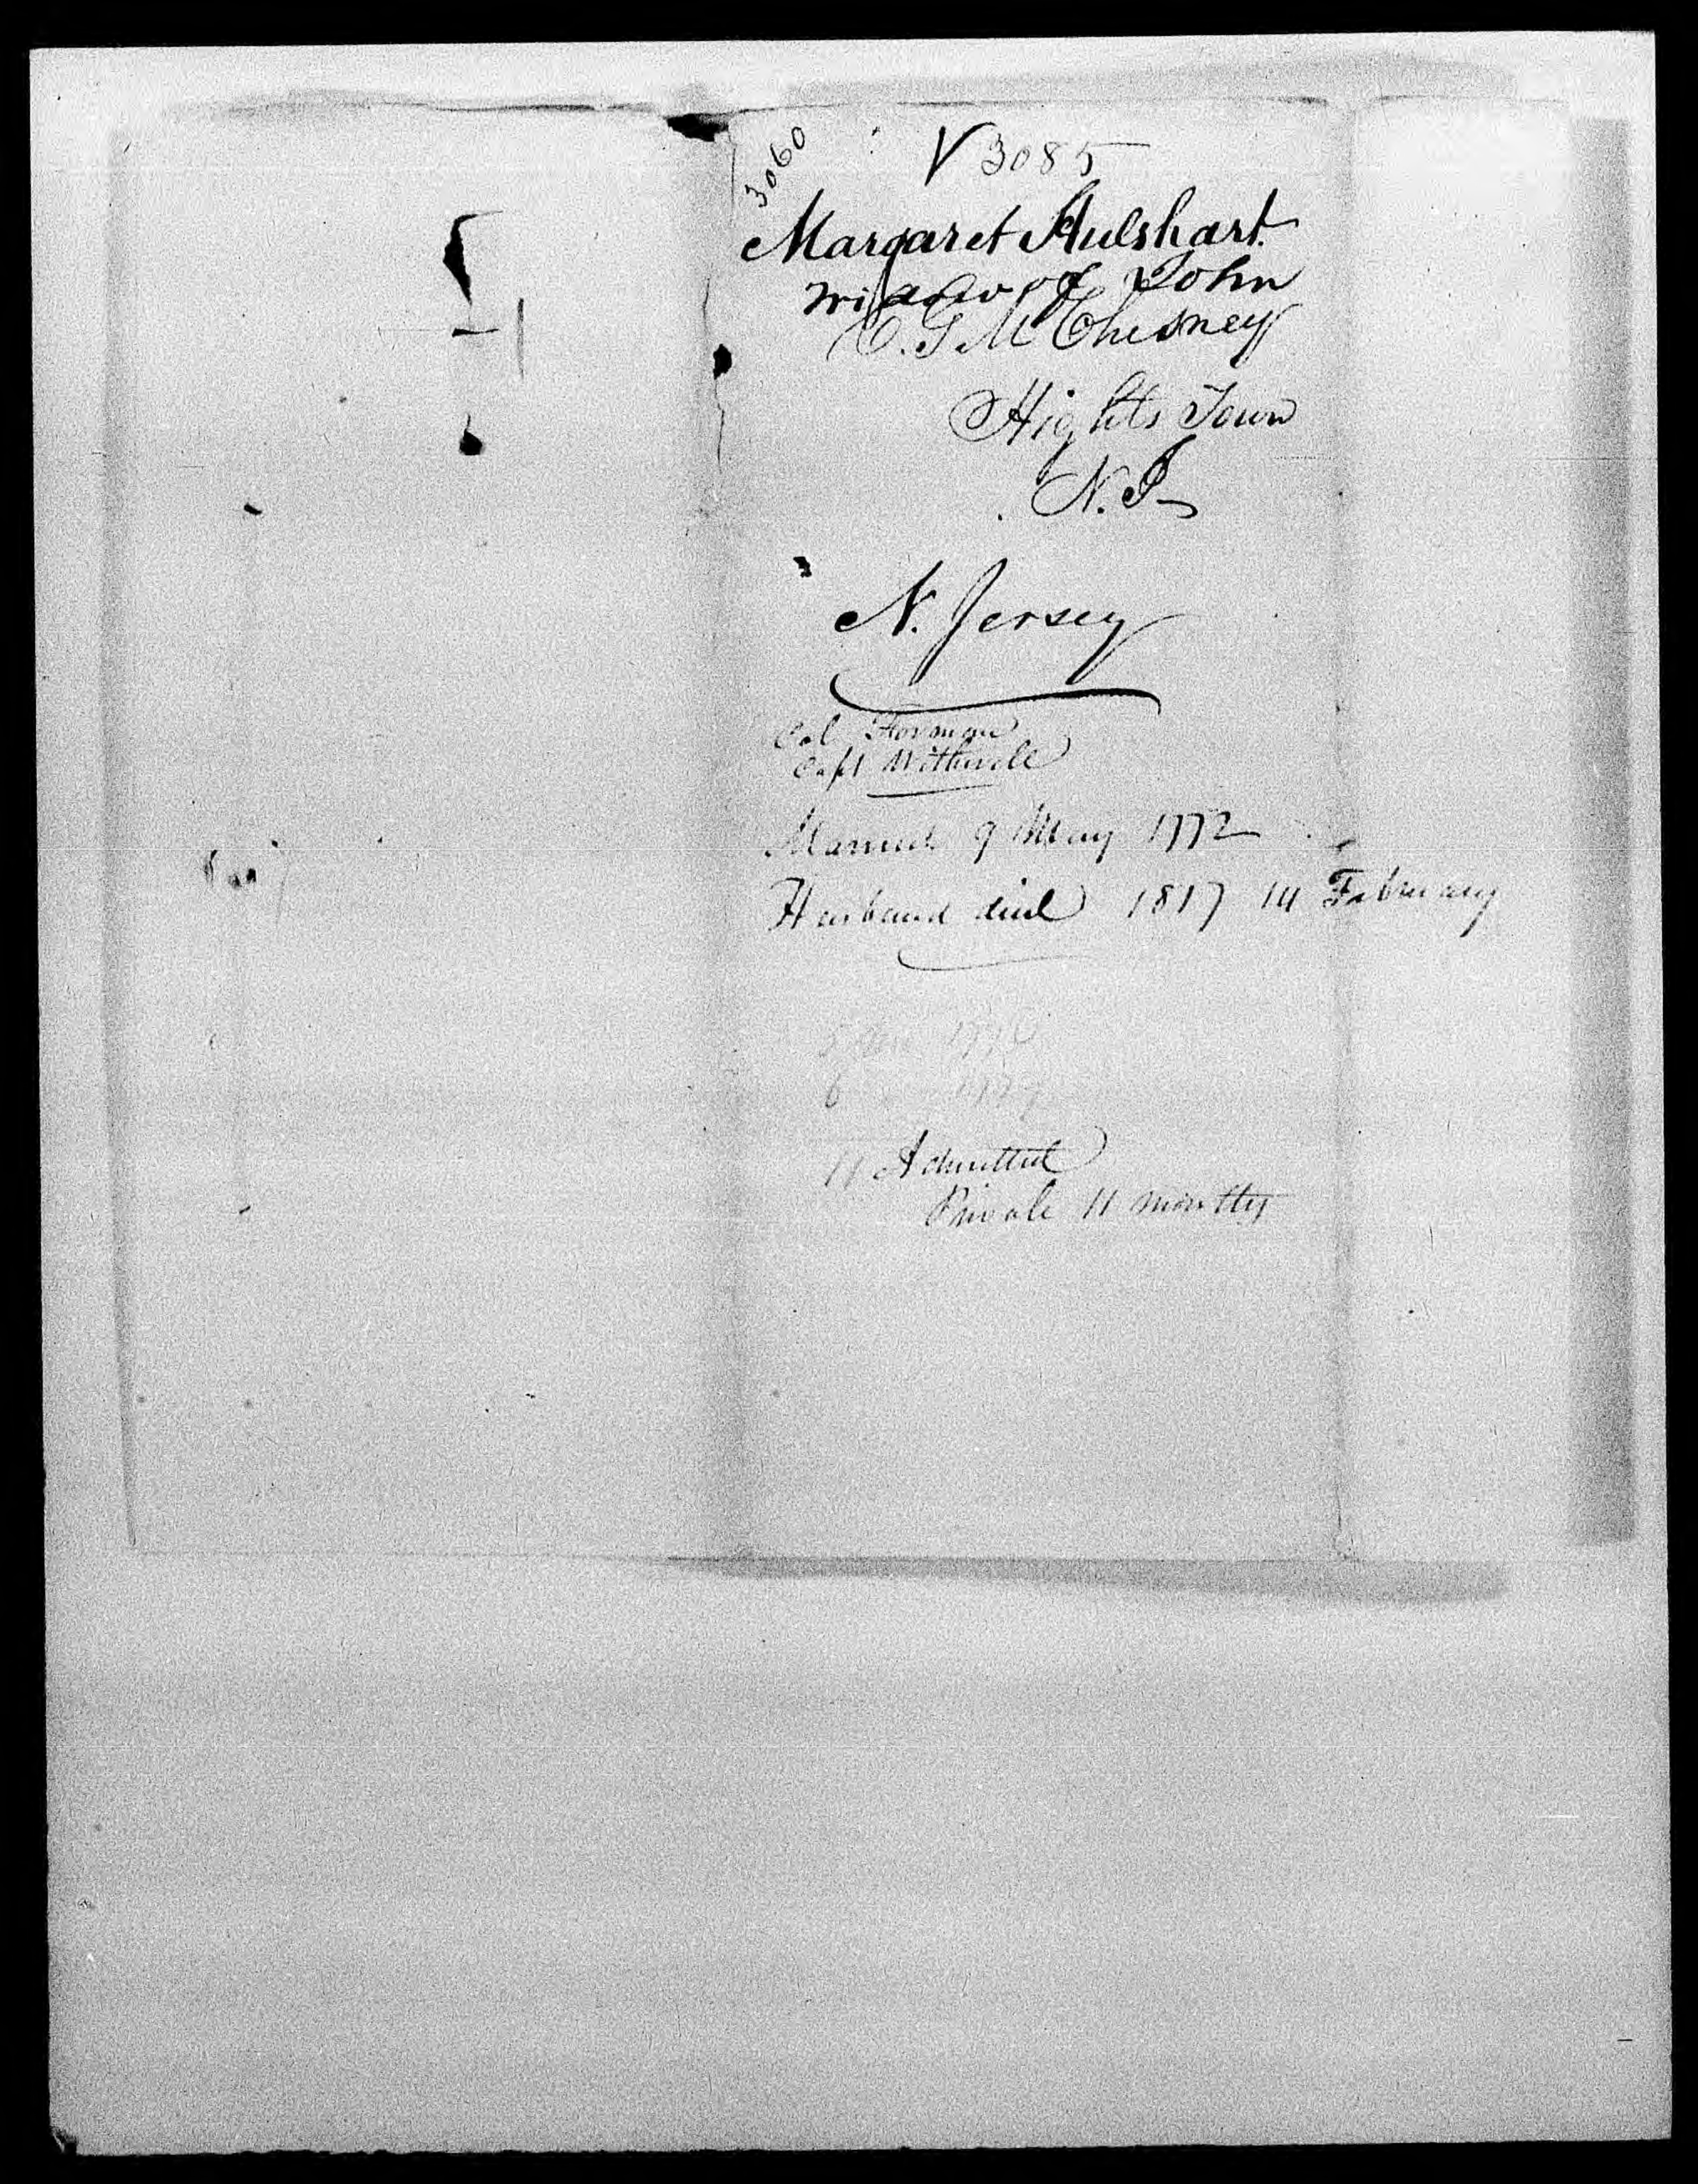3060.      V 3085
Margaret Hulshart
Widow of John
C. G. McChesney
HightsTown
N.J.

N. Jersey
--------------
Capt Witherill
---
Marriedl 9 May 1772
Husband died 1817 14 February
--------------
Admitted
Private 11 months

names: Margaret Hulshart, C G Mc Chesney, Forman, John Hulshart, Witherill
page: 6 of 34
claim: widow's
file: W. 940, John Hulshart, New Jersey